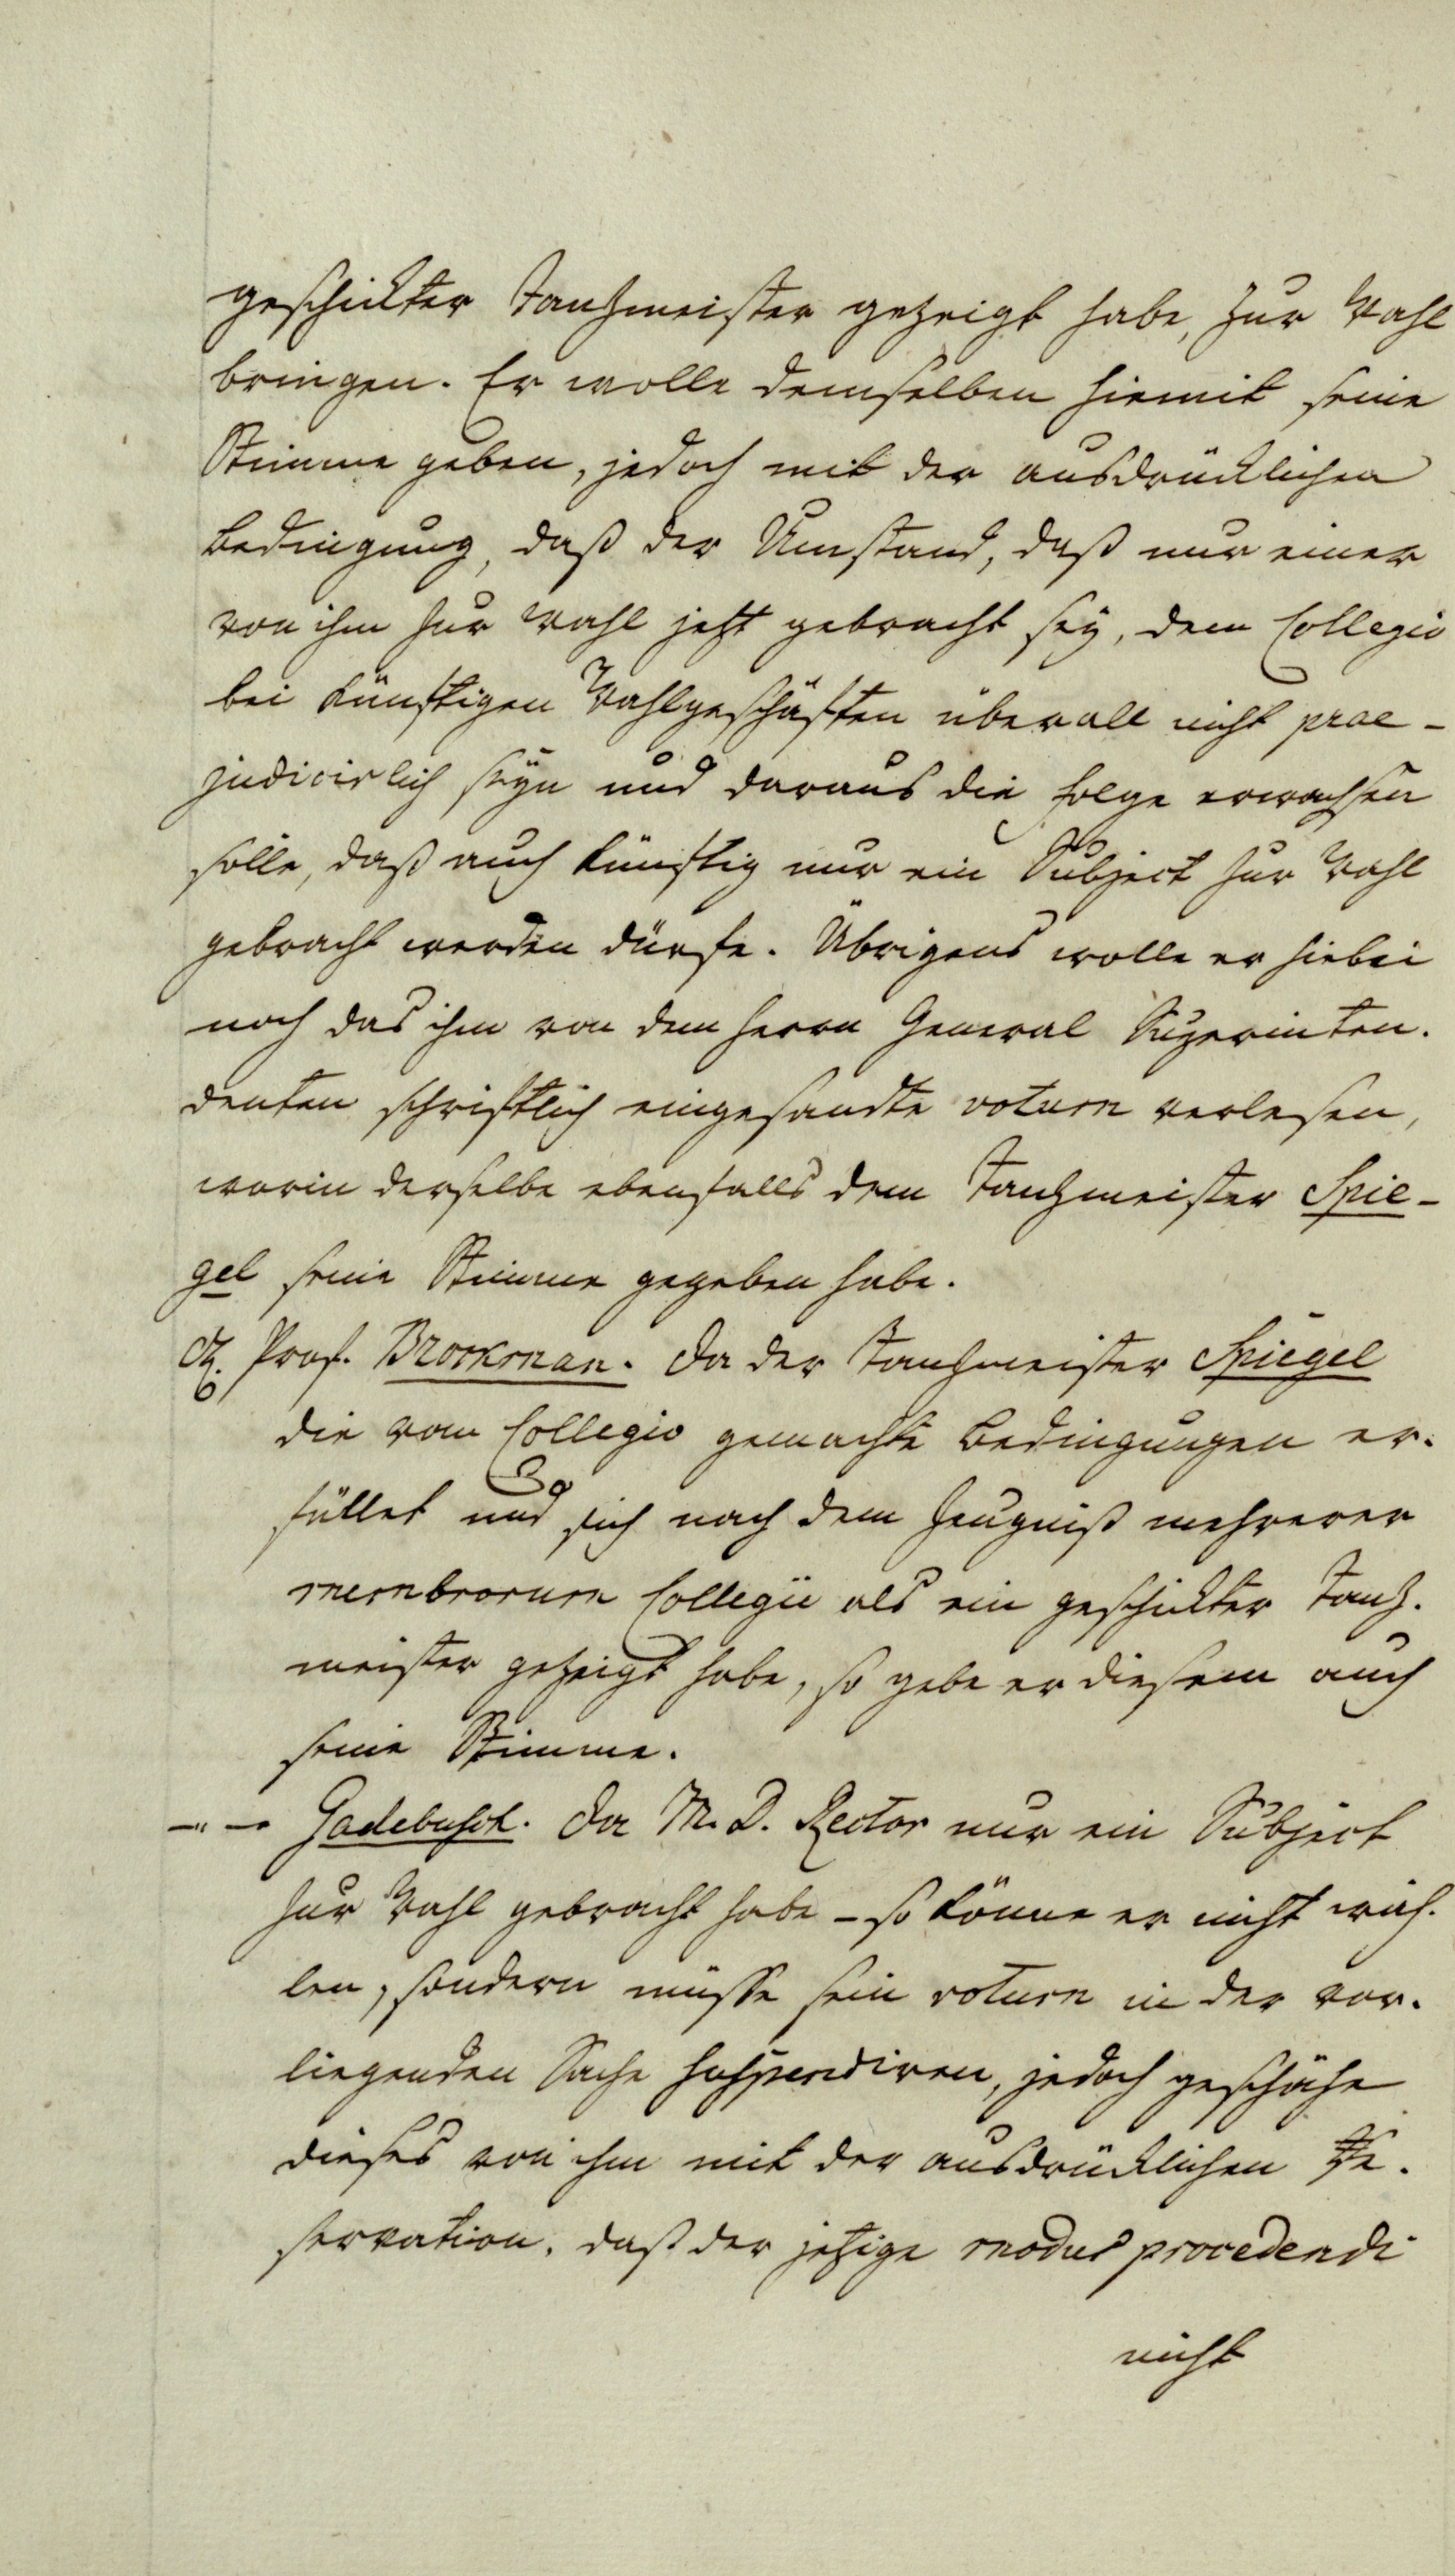geschickter Tanzmeister gezeigt habe, zur Wahl
bringen. Er wolle demselben hiemit seine
Stimme geben, jedoch mit der ausdrücklichen
Bedingung, daß der Umstand, daß nur einer
von ihm zur Wahl jetzt gebracht seÿ, dem Collegio
bei künftigen Wahlgeschäften überall nicht prae¬
judicirlich seÿn und daraus die Folge erwachsen
solle, daß auch künftig nur ein Subject zur Wahl
gebracht werden dürfe. Übrigens wolle er hiebei
noch das ihm von dem Herrn General Superinten¬
denten schriftlich eingesandte votum verlesen,
worin derselbe ebenfalls dem Tanzmeister Spie¬
gel seine Stimme gegeben habe.
dh. Prof. Brockmann. Da der Tanzmeister Spiegel
die vom Collegio gemachte Bedingungen er¬
füllet und sich nach dem Zeugniß mehrerer
membrorum Collegii als ein geschickter Tanz¬
meister gezeigt habe, so gebe er diesem auch
seine Stimme.
Gadebusch. Da M. D. Rector nur ein Subject
zur Wahl gebracht habe so könne er nicht wäh¬
len, sondern müsse sein votum in der vor¬
liegenden Sache suspendiren, jedoch geschähe
dieses von ihm mit der ausdrücklichen Re¬
servation, daß der jetzige modus procedendi
nicht